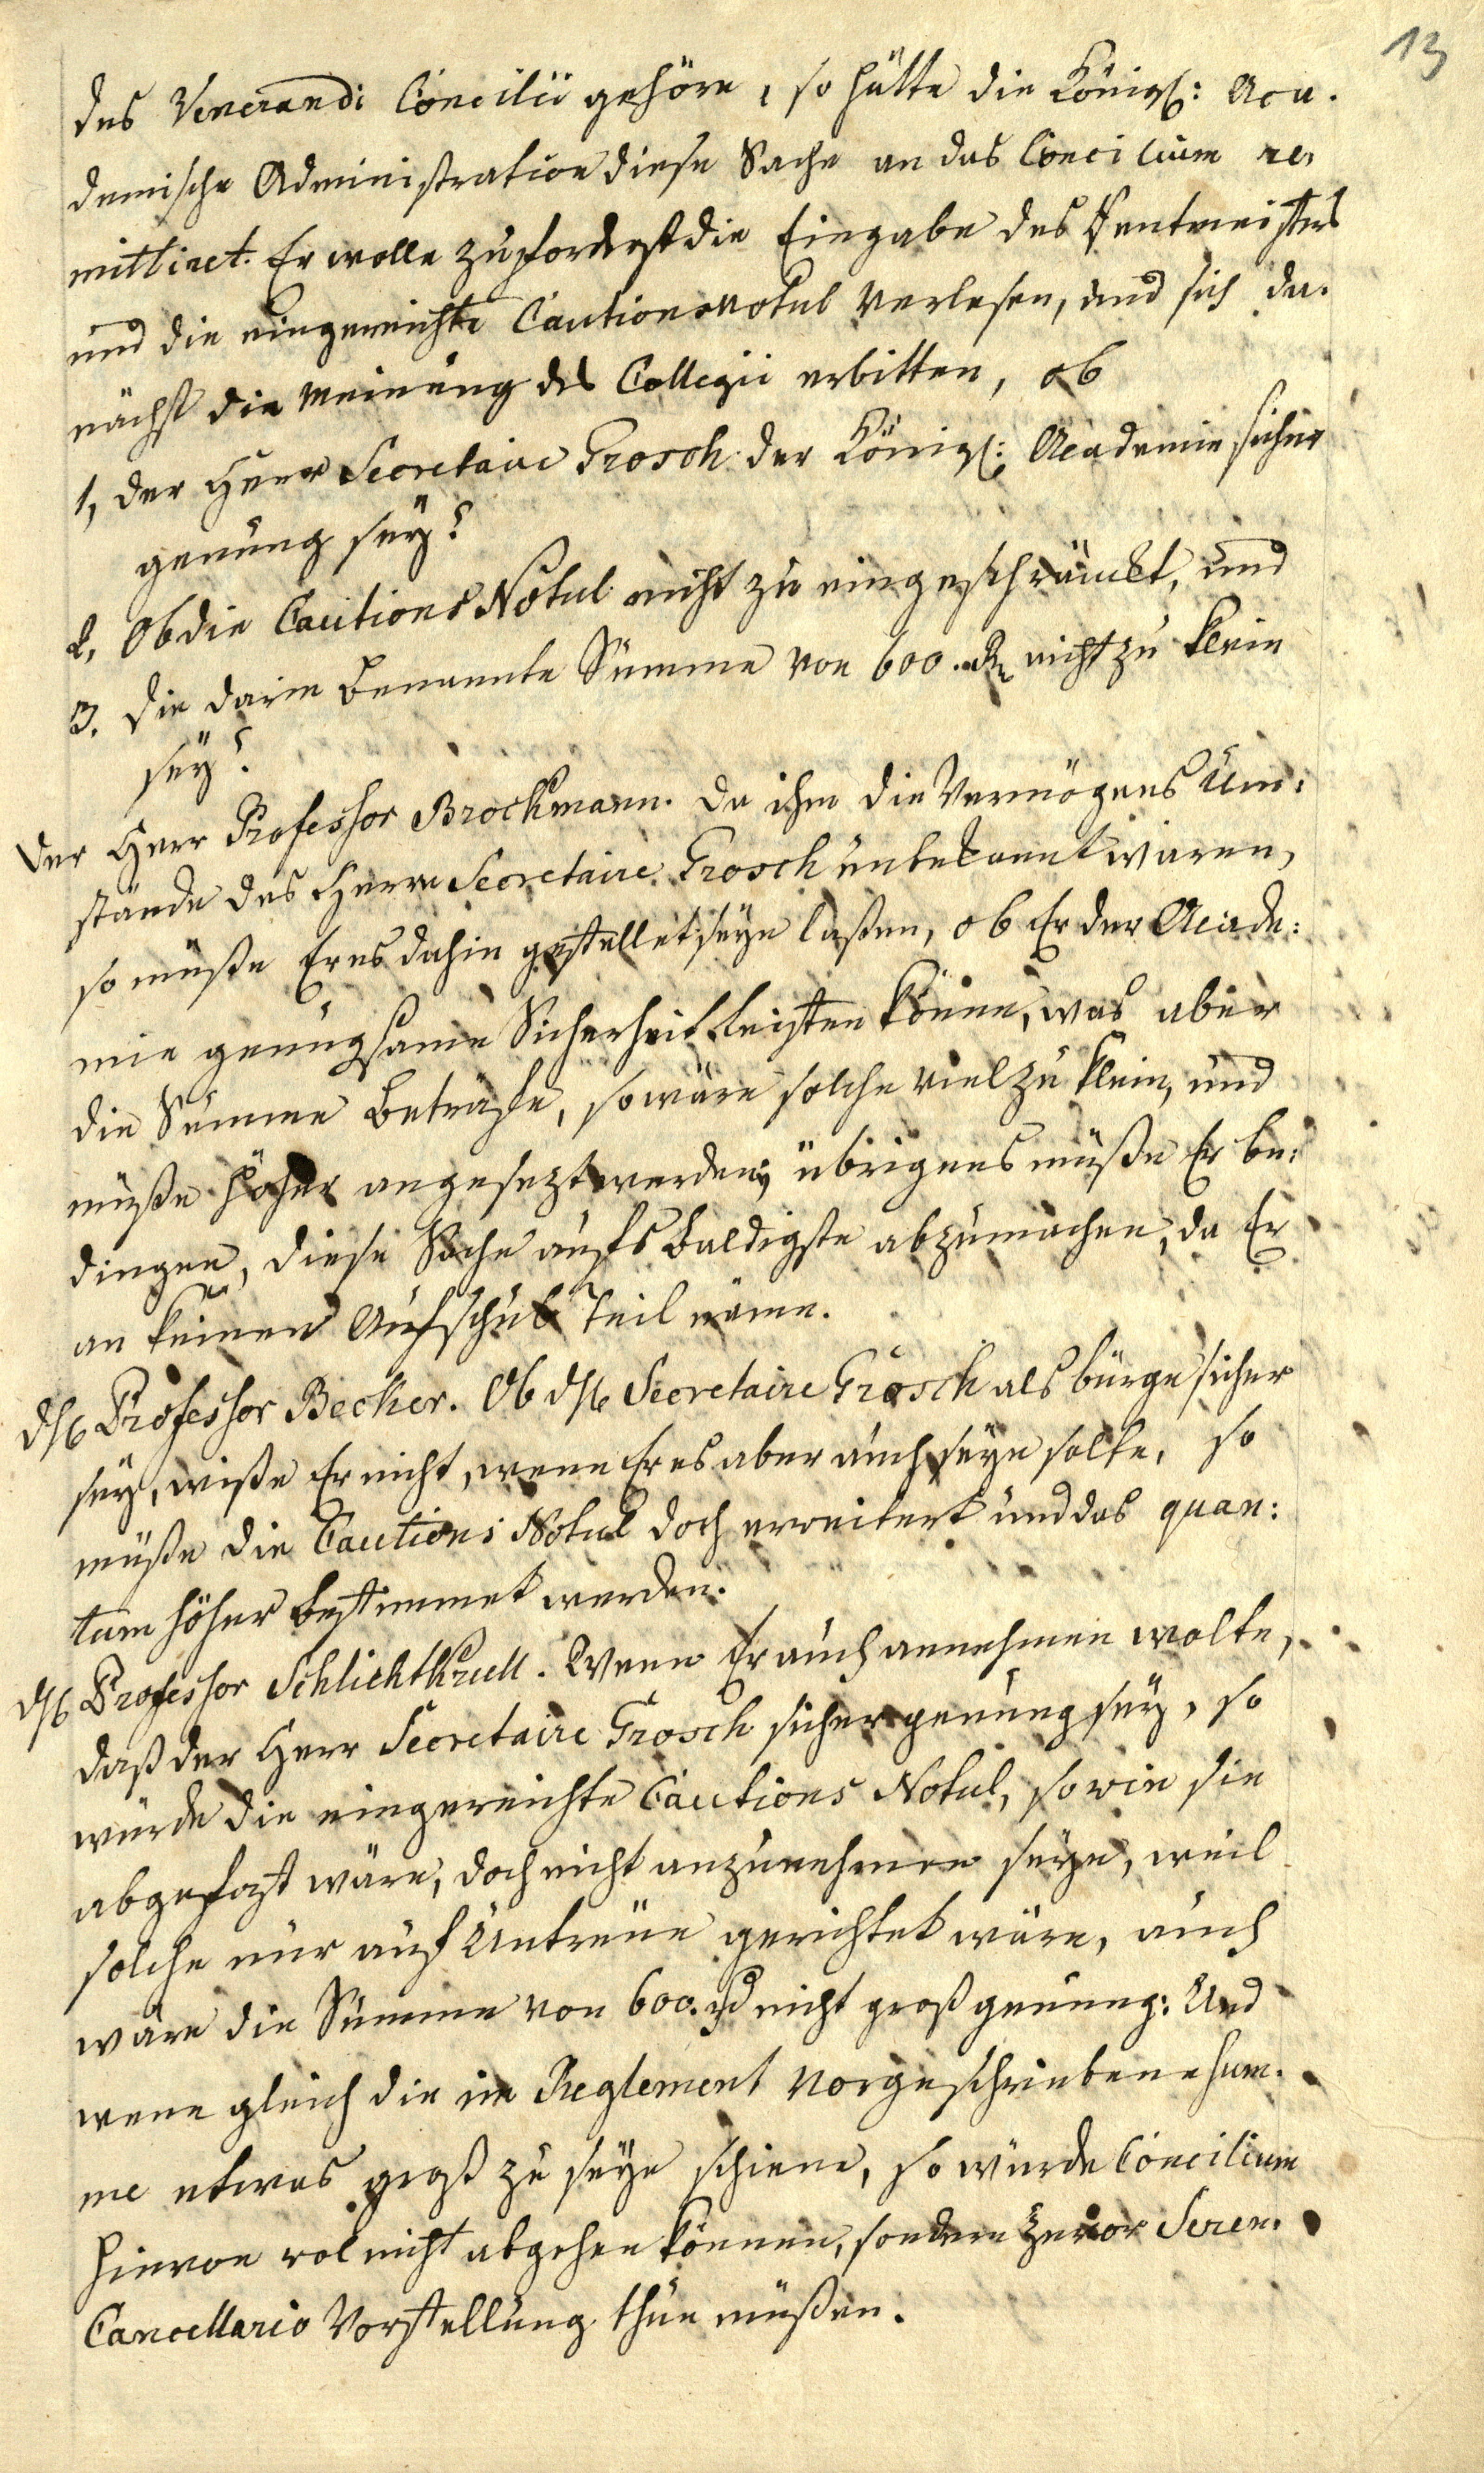des Venerandi Concilii gehöre, so hätte die Königl. Aca¬
demische Administration diese Sache an das Concilium re¬
mittiret. Er wolle zuforderst die Eingabe des Rentmeisters
und die eingereichte Cautionsnotul verlesen, und sich da¬
nächst die Meinung des Collegii erbitten, ob
1, der Herr Secretaire Grosch der Königl. Academie sicher
genung seÿ?
2. Ob die Cautions Notulnicht zu eingeschränkt, und
3. die darin benannte Summe von 600 rt nicht zu klein
seÿ?
Der Herr Professor Brockmann. Da ihm die VermögensUm¬
stände des Herrn Secretaire Grosch unbekannt wären,
so müße Er es dahin gestellet seÿn laßen, ob Er der Acade¬
mie gennügsame Sicherheit leisten könne, was aber
die Summe beträfe, so wäre solche viel zu klein, und
müße höher angesezt werden; übrigens müße Er be¬
dingen, diese Sache auf baldigste abzumachen, da Er
an keinen Aufschub Teil näme.
dh. Professor Becker. Ob dh Secretaire Grosch als bürge sicher
seÿ, wiße Er nicht, wenn Er es aber auch seÿn solte, so
müße die Cautions Notul doch erweitert und das quan¬
tum höher bestimmet werden.
dh. Professor Schlichtkull. Wenn Er auch annehmen wolte,
daß der Herr Secretaire Grosch sicher genug seÿ, so
würde die eingereichte Cautions Notel, so wie sie
abgefast wäre, doch nicht anzunehmen seÿn, weil
solche nur auf Untreue gerichtet wäre, auch
wäre die Summe von 600. rt nicht groß genung: Und
wenn gleich die im Reglement vorgeschriebene Sum¬
me etwas groß zu seÿn schiene, so würde Concilium
hievon wol nicht abgehen können, sondern zuvor Seren.
Cancellario Vorstellung thun müßen.